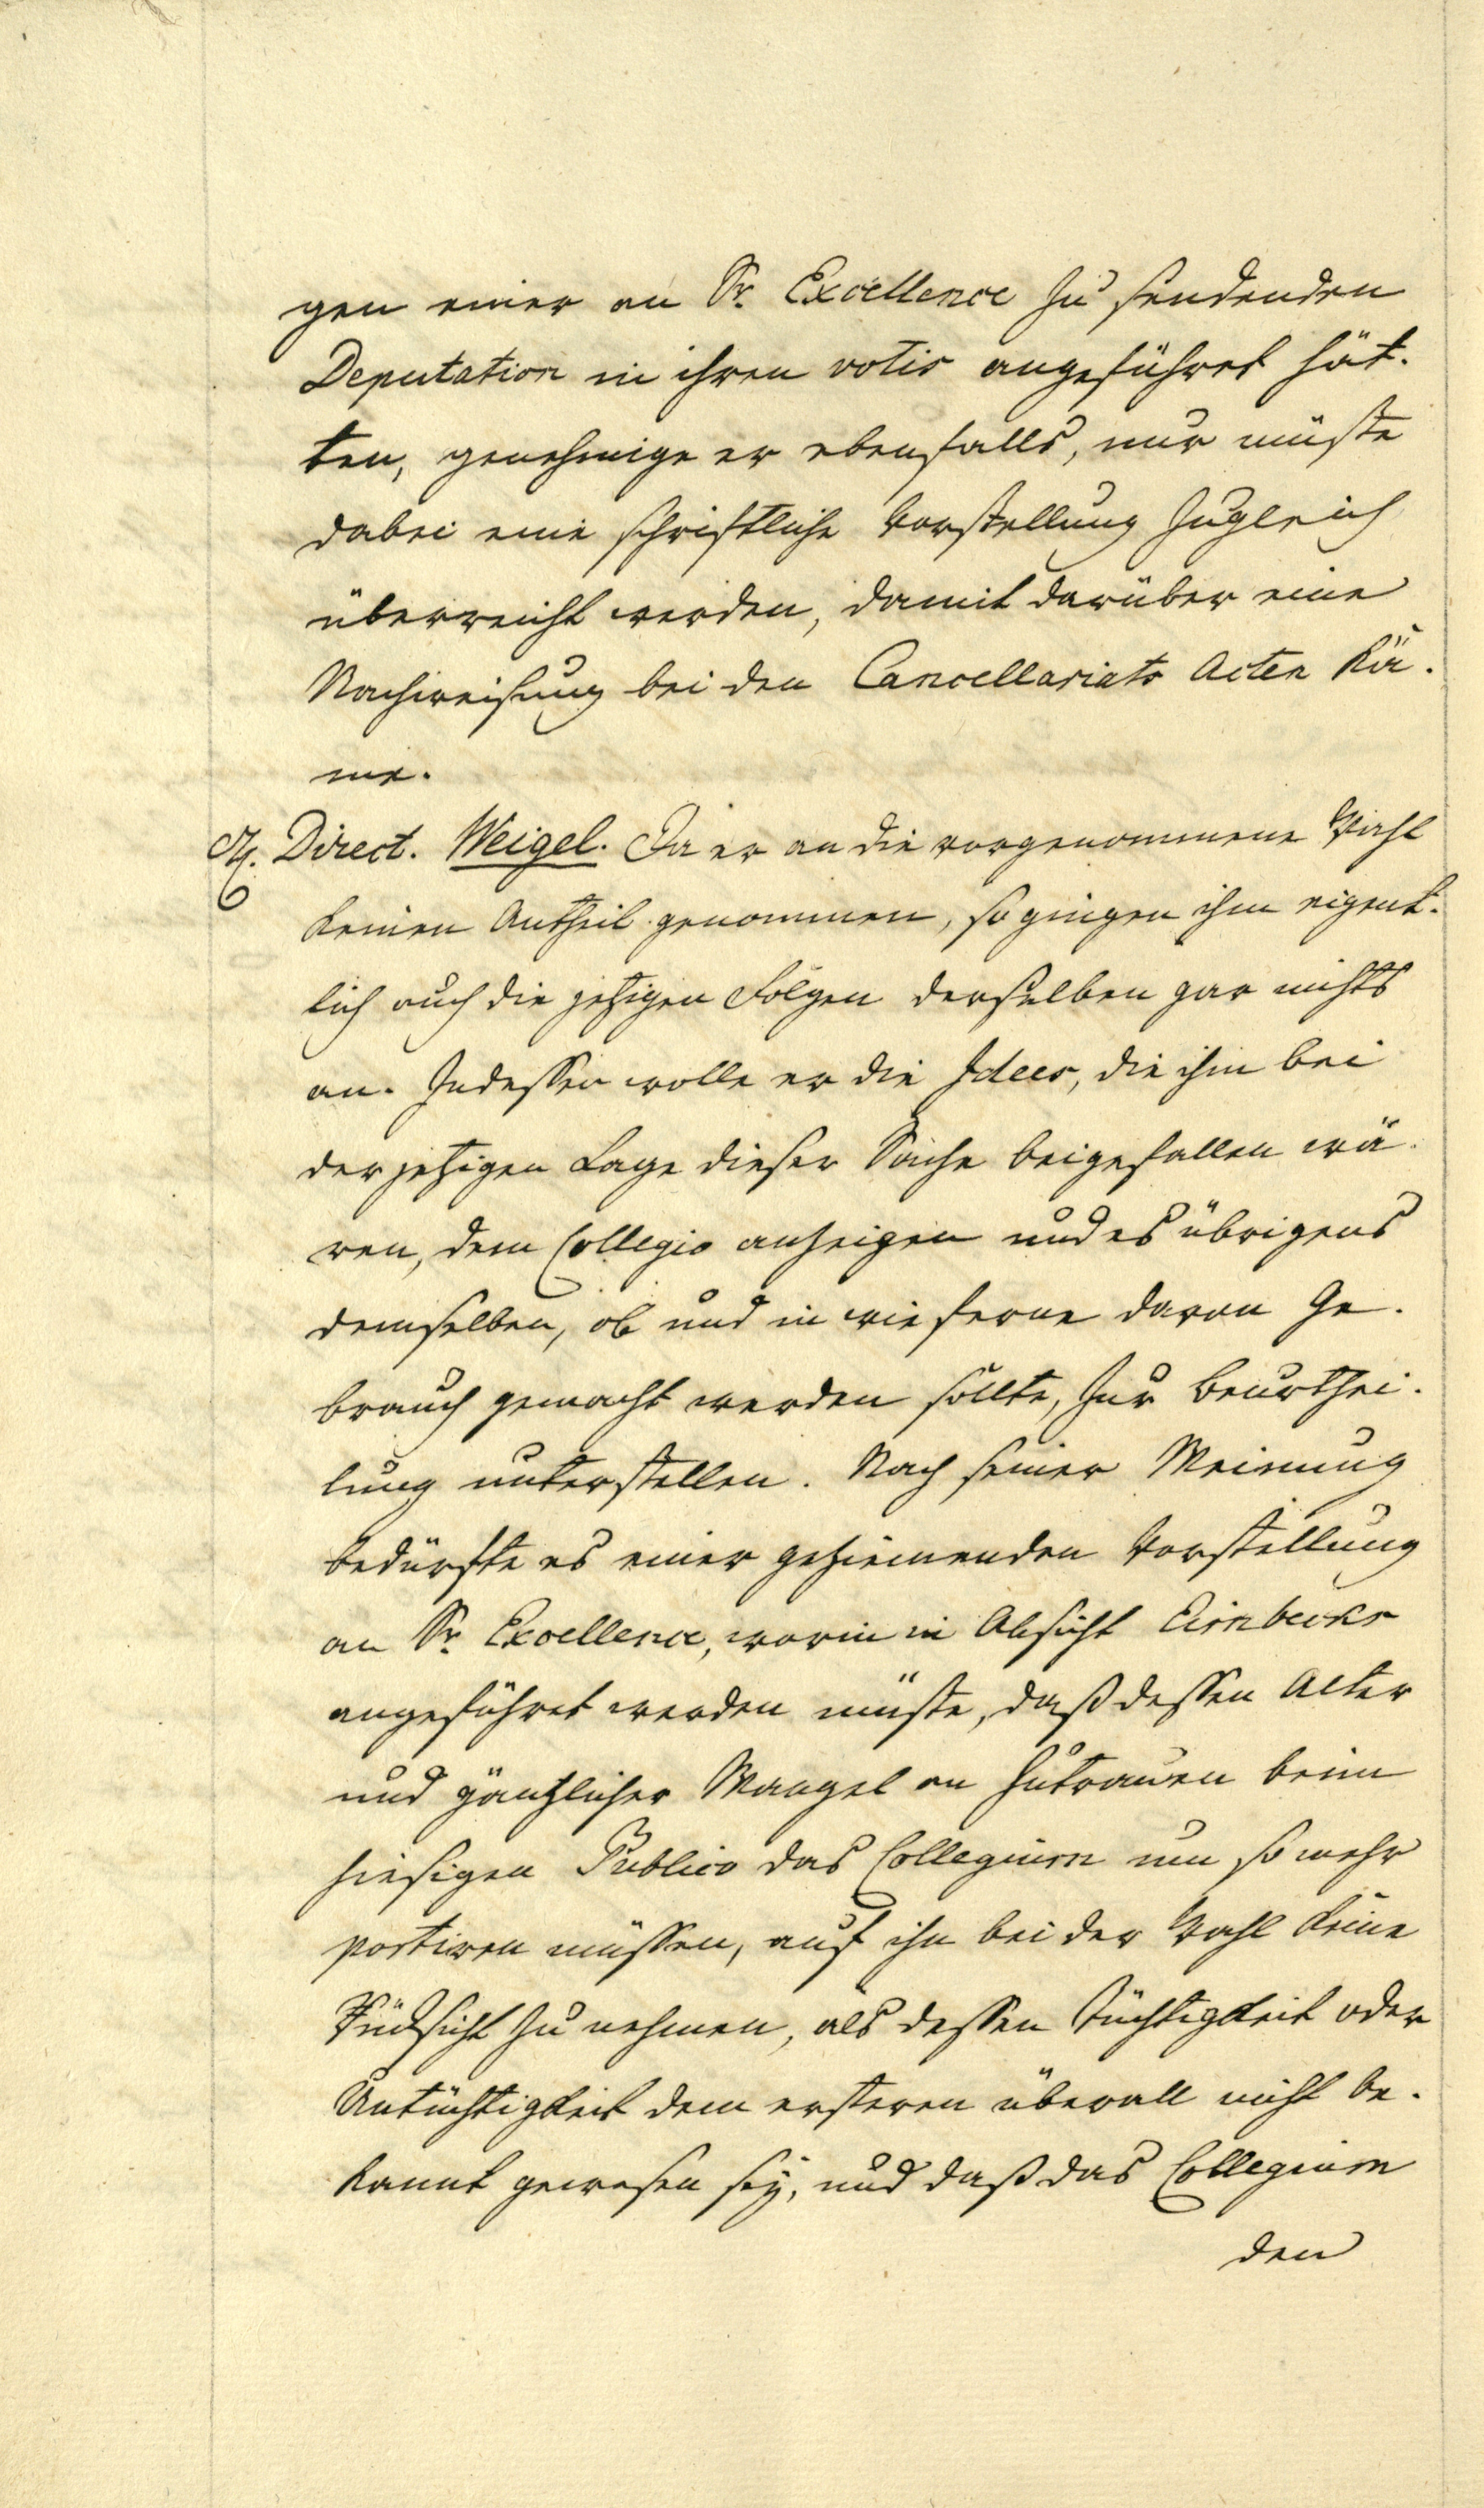gen einer an Sr. Excellence zu sendenden
Deputation in ihren votis angeführet hät¬
ten, genehmige er ebenfalls, nur müßte
dabei eine schriftliche Vorstellung zugleich
überreicht werden, damit darüber eine
Nachweisung bei den Cancellariats Acten kä¬
me.
dh. Direct. Weigel. Da er an die vorgenommene Wahl
keinen Antheil genommen, so gingen ihm eigent¬
lich auch die jetzigen Folgen derselben gar nichts
an. Indessen wolle er die Idees, die ihm bei
der jetzigen Lage dieser Sache beigefallen wä¬
ren, dem Collegio anzeigen und es übrigens
demselben, ob und in wie ferne davon Ge¬
brauch gemacht werden sollte, zur Beurthei¬
lung unterstellen. Nach seiner Meinung
bedürfte es einer geziemenden Vorstellung
an Sr. Excellence, worin im Absicht Eimbecks
angeführet werden müßte, daß dessen Alter
und gäntzlicher Mangel an Zutrauen beim
hiesigen Publico das Collegium um so mehr
portiren müssen, auf ihn bei der Wahl keine
Rücksicht zu nehmen, als dessen Tüchtigkeit oder
Untüchtigkeit dem ersteren überall nicht be¬
kannt gewesen seÿ, und daß das Collegium
den